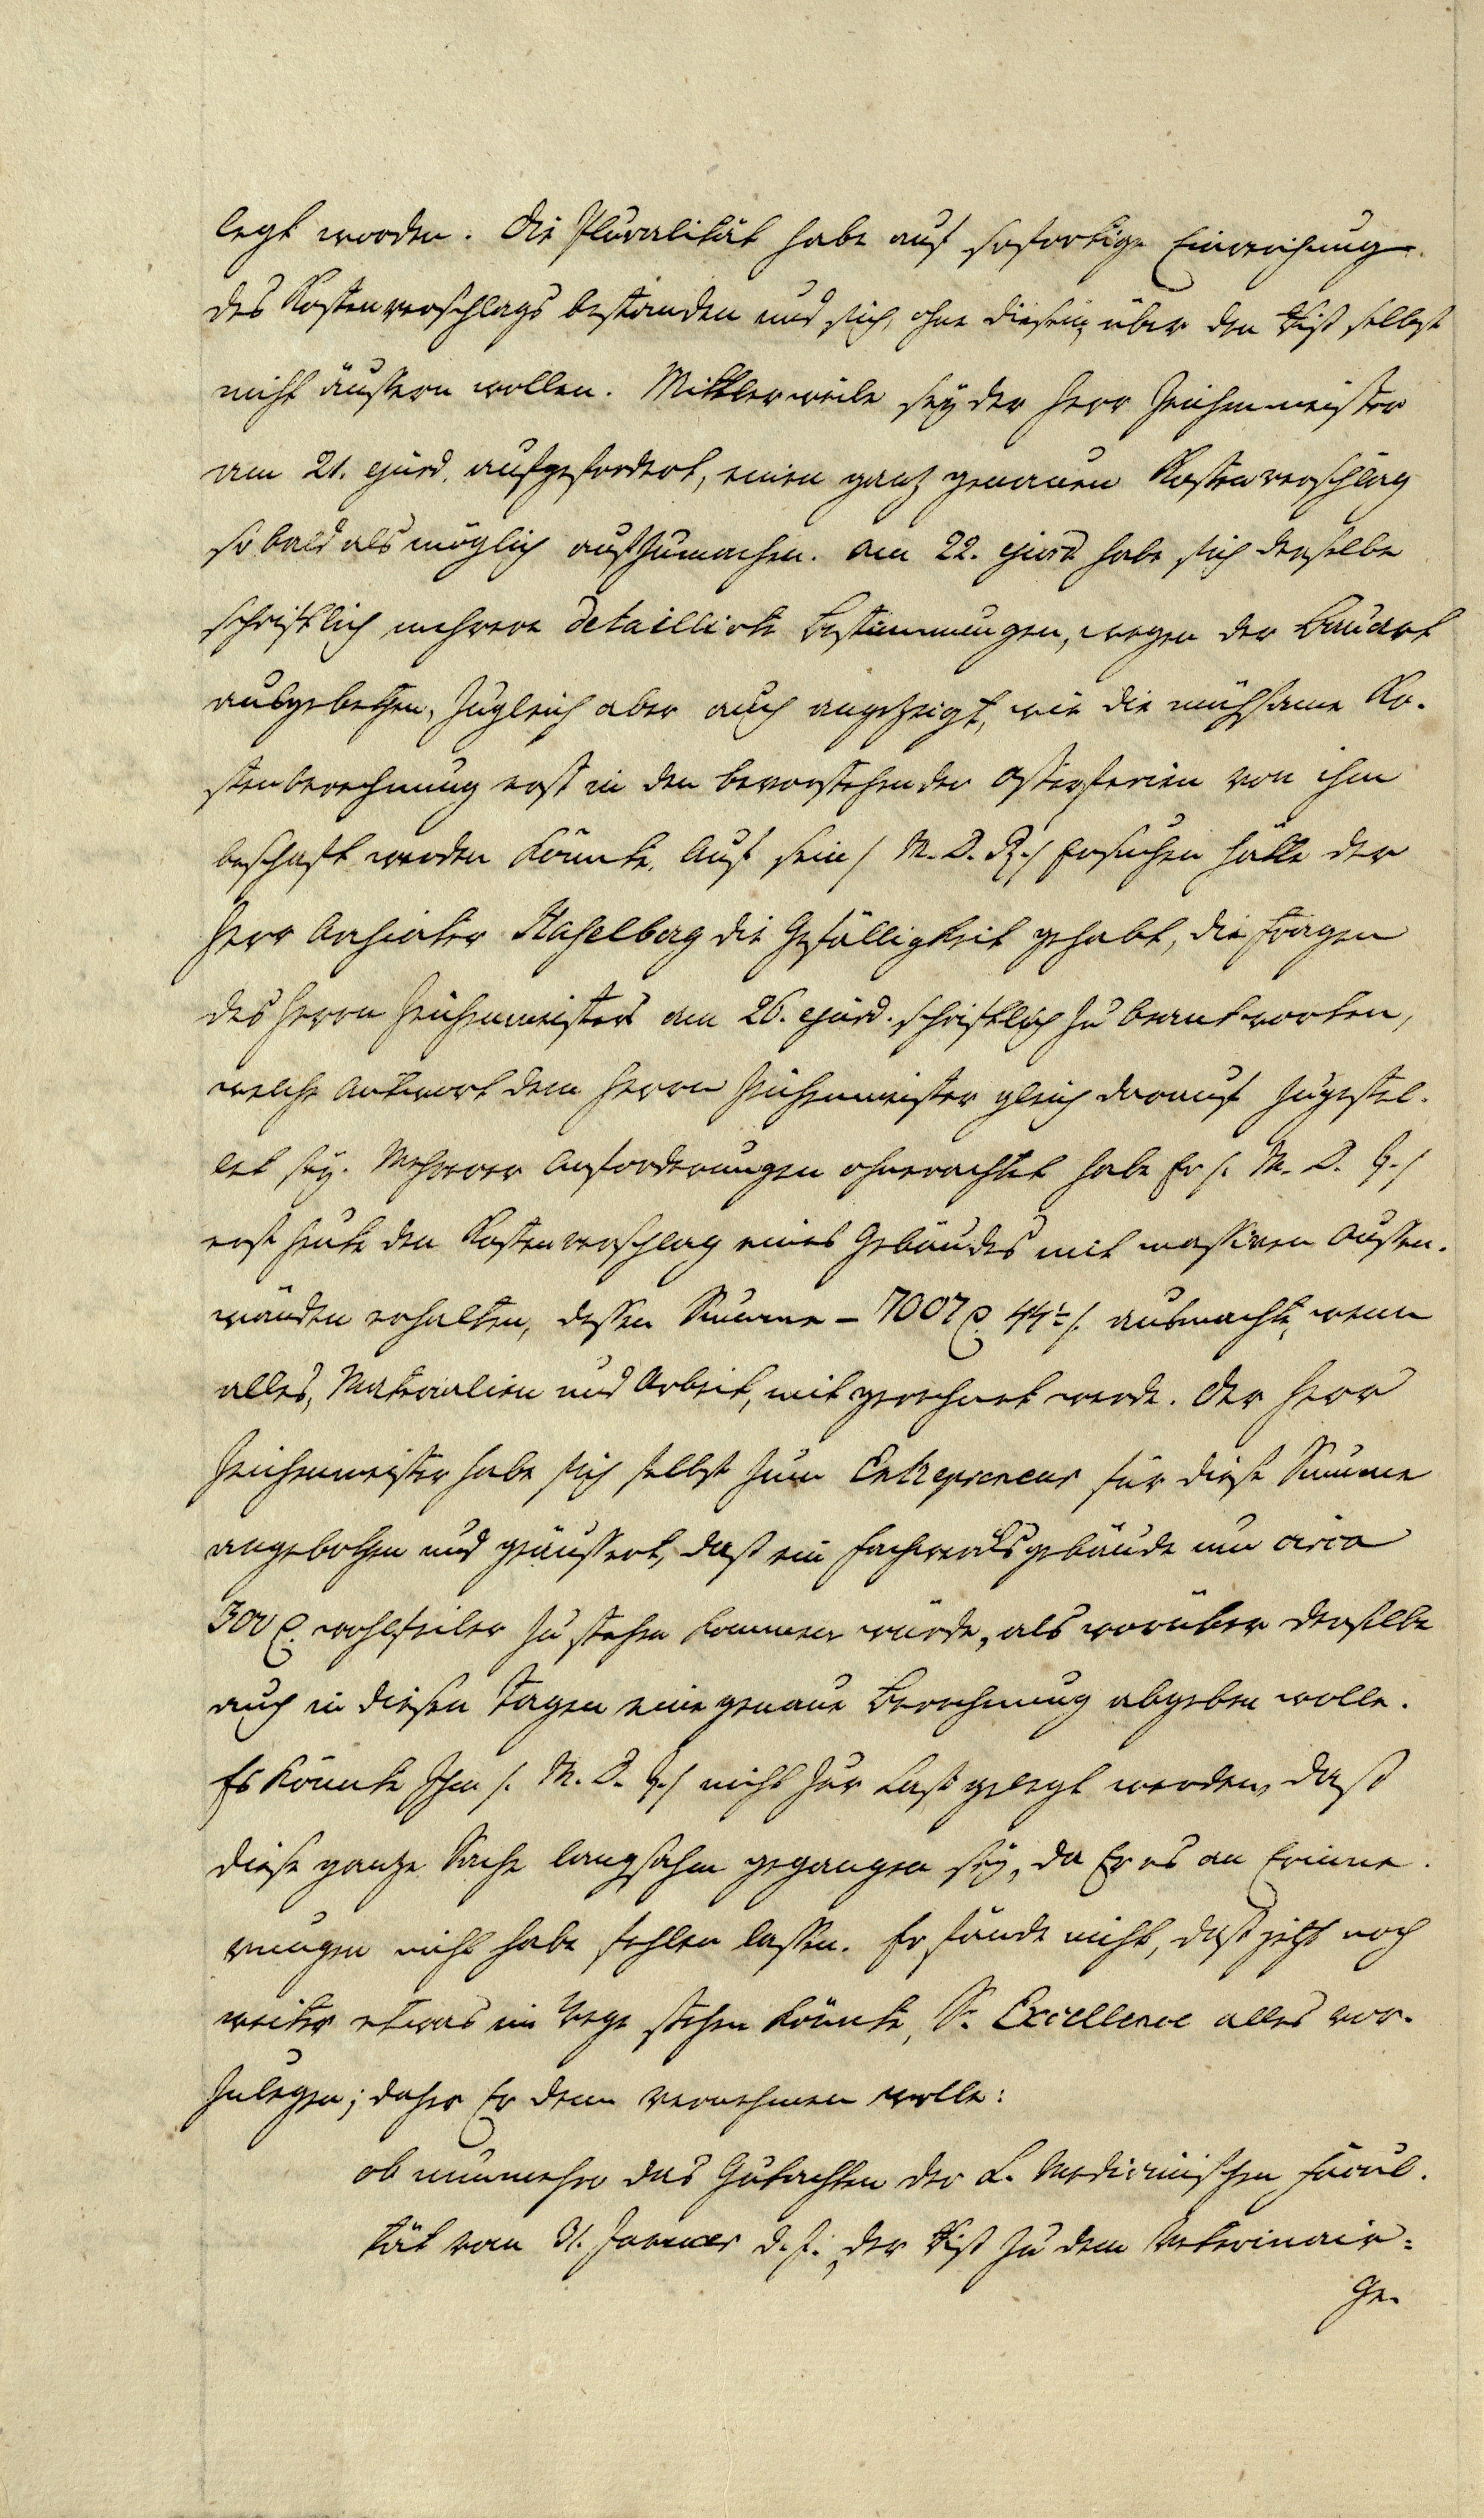legt worden. Die Pluralität habe auf sofortige Einreichung
des Kostenverschlages bestanden und sich, ohne diesen, über den Riß selbst
nicht äussern wollen. Mittlerweile seÿ der Herr Zeichenmeister
am 21. ejusd. aufgefordert, einen ganz genauen Kostenverschlag
so bald als möglich aufzumachen. Am 22. ejusd. habe sich derselbe
schriftlich mehrere detaillirte Bestimmungen, wegen der Bauart
ausgebethen, zugleich aber auch angezeigt, wie die mühsame Ko¬
stenberechnung erst in den bevorstehenden Osterferien von ihm
beschaft werden könnte. Auf sein / M. D. R./ Ersuchen hätte der
Herr Archiater Haselberg die Gefälligkeit gehabt, die Fragen
des Herrn Zeichenmeisters am 26. ejusd. schriftlich zu beantworten,
welche Antwort dem Herrn Zeichenmeister gleich darauf zugestel¬
let seÿ. Mehrerer Anforderungen ohnerachtet habe Er /. M. D. R./
erst heute den Kostenverschlag eines Gebäudes mit massiven Aussen¬
wänden erhalten, dessen Summe - 7007 l 44½ s. ausmachte, wenn
alles, Materialien und Arbeit, mitgerechnet werde. Der Herr
Zeichenmeister habe sich selbst zum Entrepreneur für diese Summe
angebothen und geäussert, daß ein Fachwercksgebäude um circa
300 l. wohlfeiler zu stehen kommen würde, als worüber derselbe
auch in diesen Tagen eine genaue Berechnung abgeben wolle.
Es könnte Ihm /. M. D. R./ nicht zur Last gelegt werden, daß
diese ganze Sache langsahm gegangen seÿ, da Er es an Erinne¬
rungen nicht habe fehlen lassen. Er fände nicht, daß jetzt noch
weiter etwas im Wege stehen könnte, Sr. Excellence alles vor¬
zulegen; daher Er denn vernehmen wolle:
ob nunmehro das Gutachten der L. Medicinischen Facul¬
tät vom 31. Januar d. J., der Riß zu dem Veterinair¬
ge.